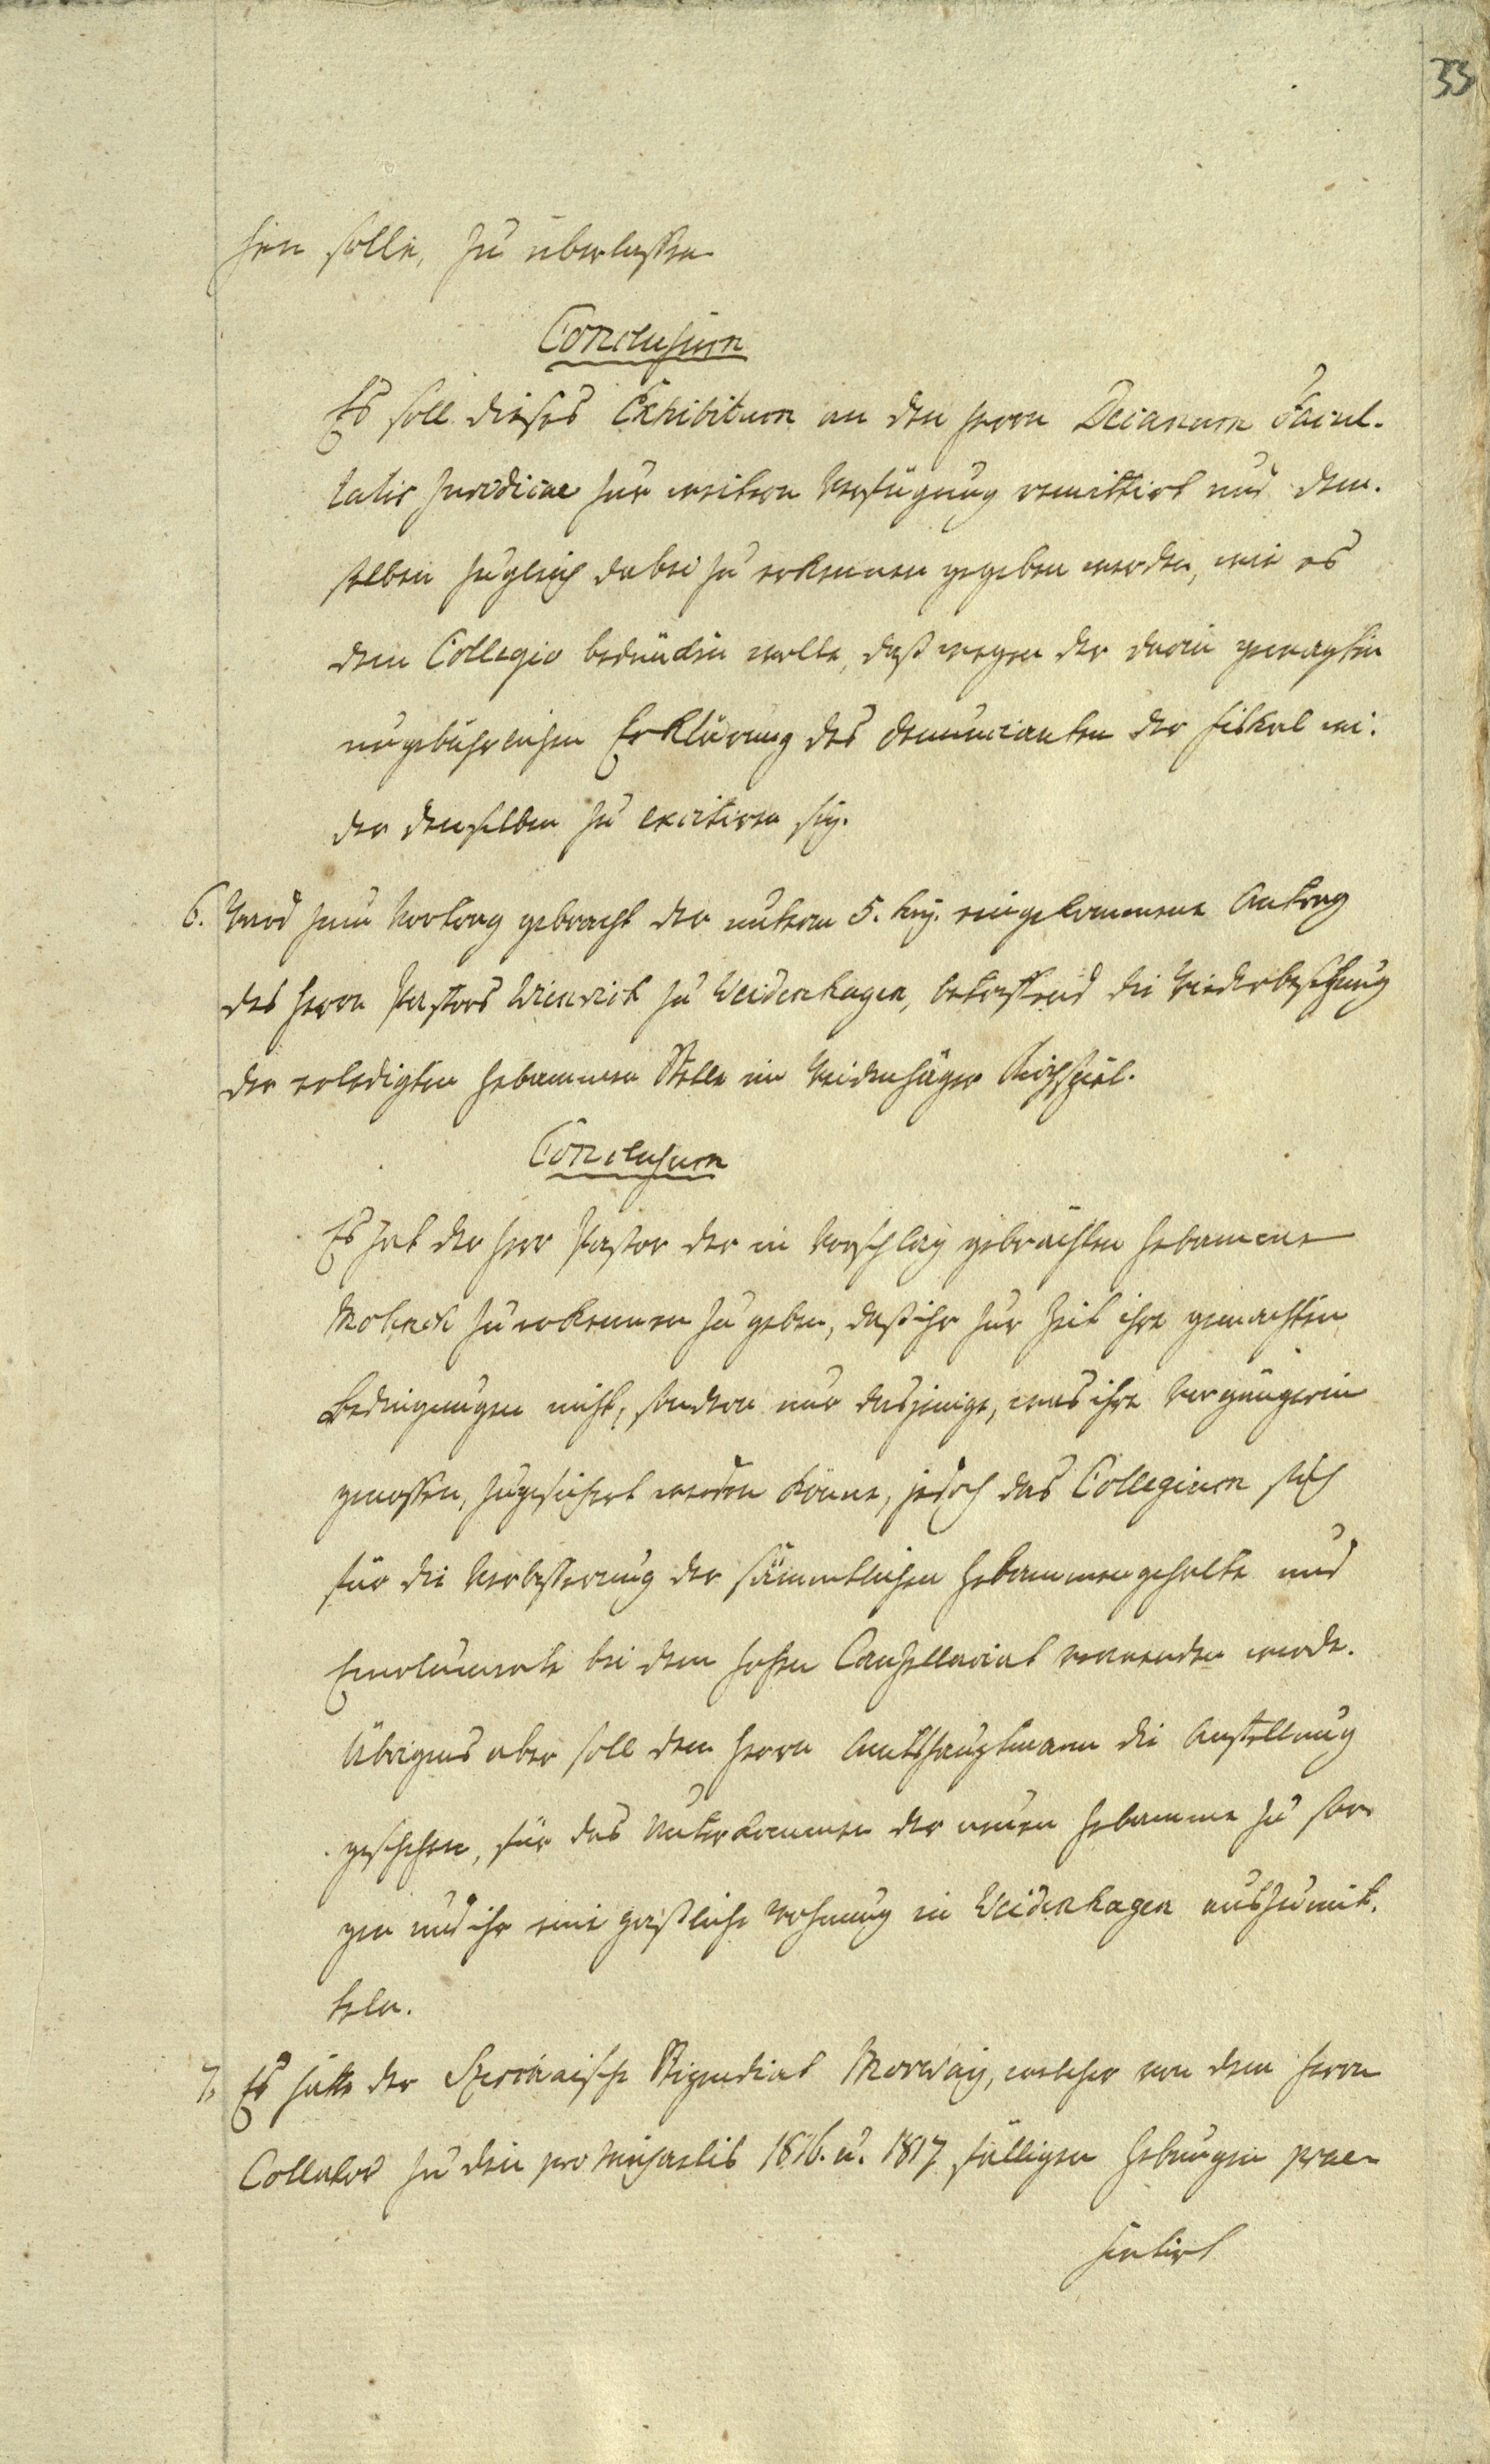hen solle, zu überlassen.
Conclusum
Es soll dieses Exibitum an den Herrn Decanum Facul¬
tatis Juridicae zur weitern Verfügung remittirt und dem¬
selben zugleich dabei zu erkennen gegeben werden, wie es
dem Collegio bedüncken wolle, daß wegen der darin gewagten
ungebührlichen Erklärung des Denuncianten der Fiskal wi¬
der denselben zu excitiren seÿ.
6. Ward um Vortrag gebracht der unterm 5. huj. eingekommene Antrag
des Herr Pastors Wienrich zu Weidenhagen, betreffend die Wiederbesetzung
der erledigten Hebammen Stelle im Weidenhäger Kirchspiel.
Conclusum
Es hat der Herr Pastor der in Vorschlag gebrachten Hebamme
Mohnck zu erkennen zu geben, daß ihr zur Zeit ihre gemachten
Bedingungen nicht, sondern nur dasjenige, was ihre Vorgängerin
genossen, zugesichert werden könne, jedoch das Collegium sich
für die Verbesserung der sämmtlichen Hebammengehalte und
Emolumente bei dem hohen Canzellariat verwenden werde.
Übrigens aber soll dem Herrn Amtshauptmann die Anstellung
geschehen, für das Unterkommen der neuen Hebamme zu sor¬
gen und ihr eine paßliche Wohnung in Weidenhagen auszumit¬
teln.
7. Es hätte der Szermaische Stipendiat Morwaÿ, welcher von dem Herrn
Collator zu den pro Michaelis 1816. u. 1817 fälligen Hebungen prae¬
sentirt